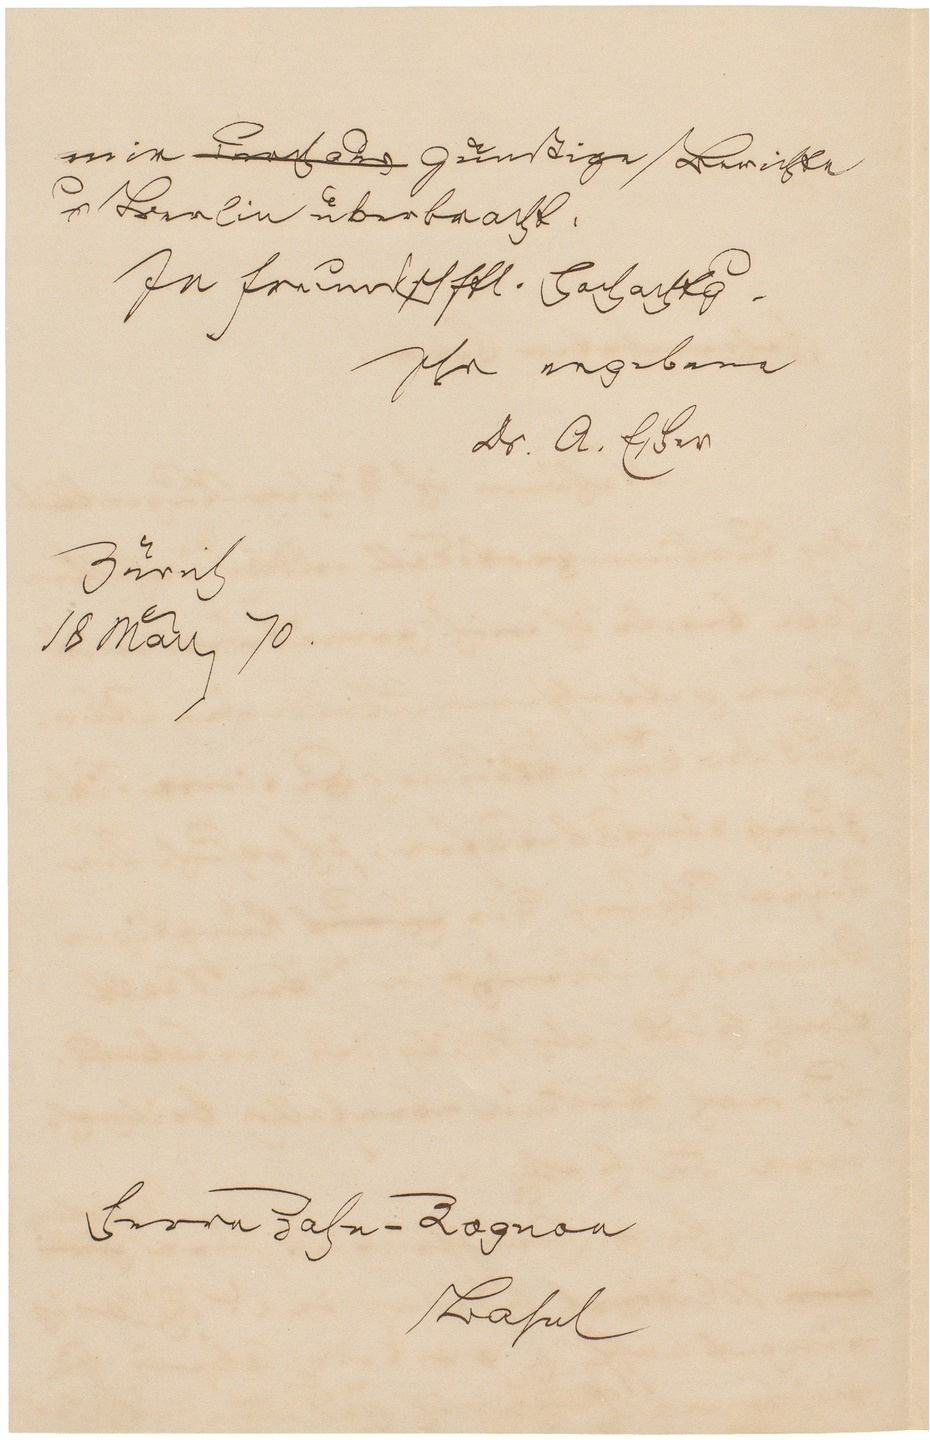mir durchaus günstige Berichte
aus Berlin überbracht.
In freundschftl. Hochachtg.
Ihr ergebene
Dr. A. Escher
Zürich
18 März 70.
Herrn Zahn-Rognon
Basel